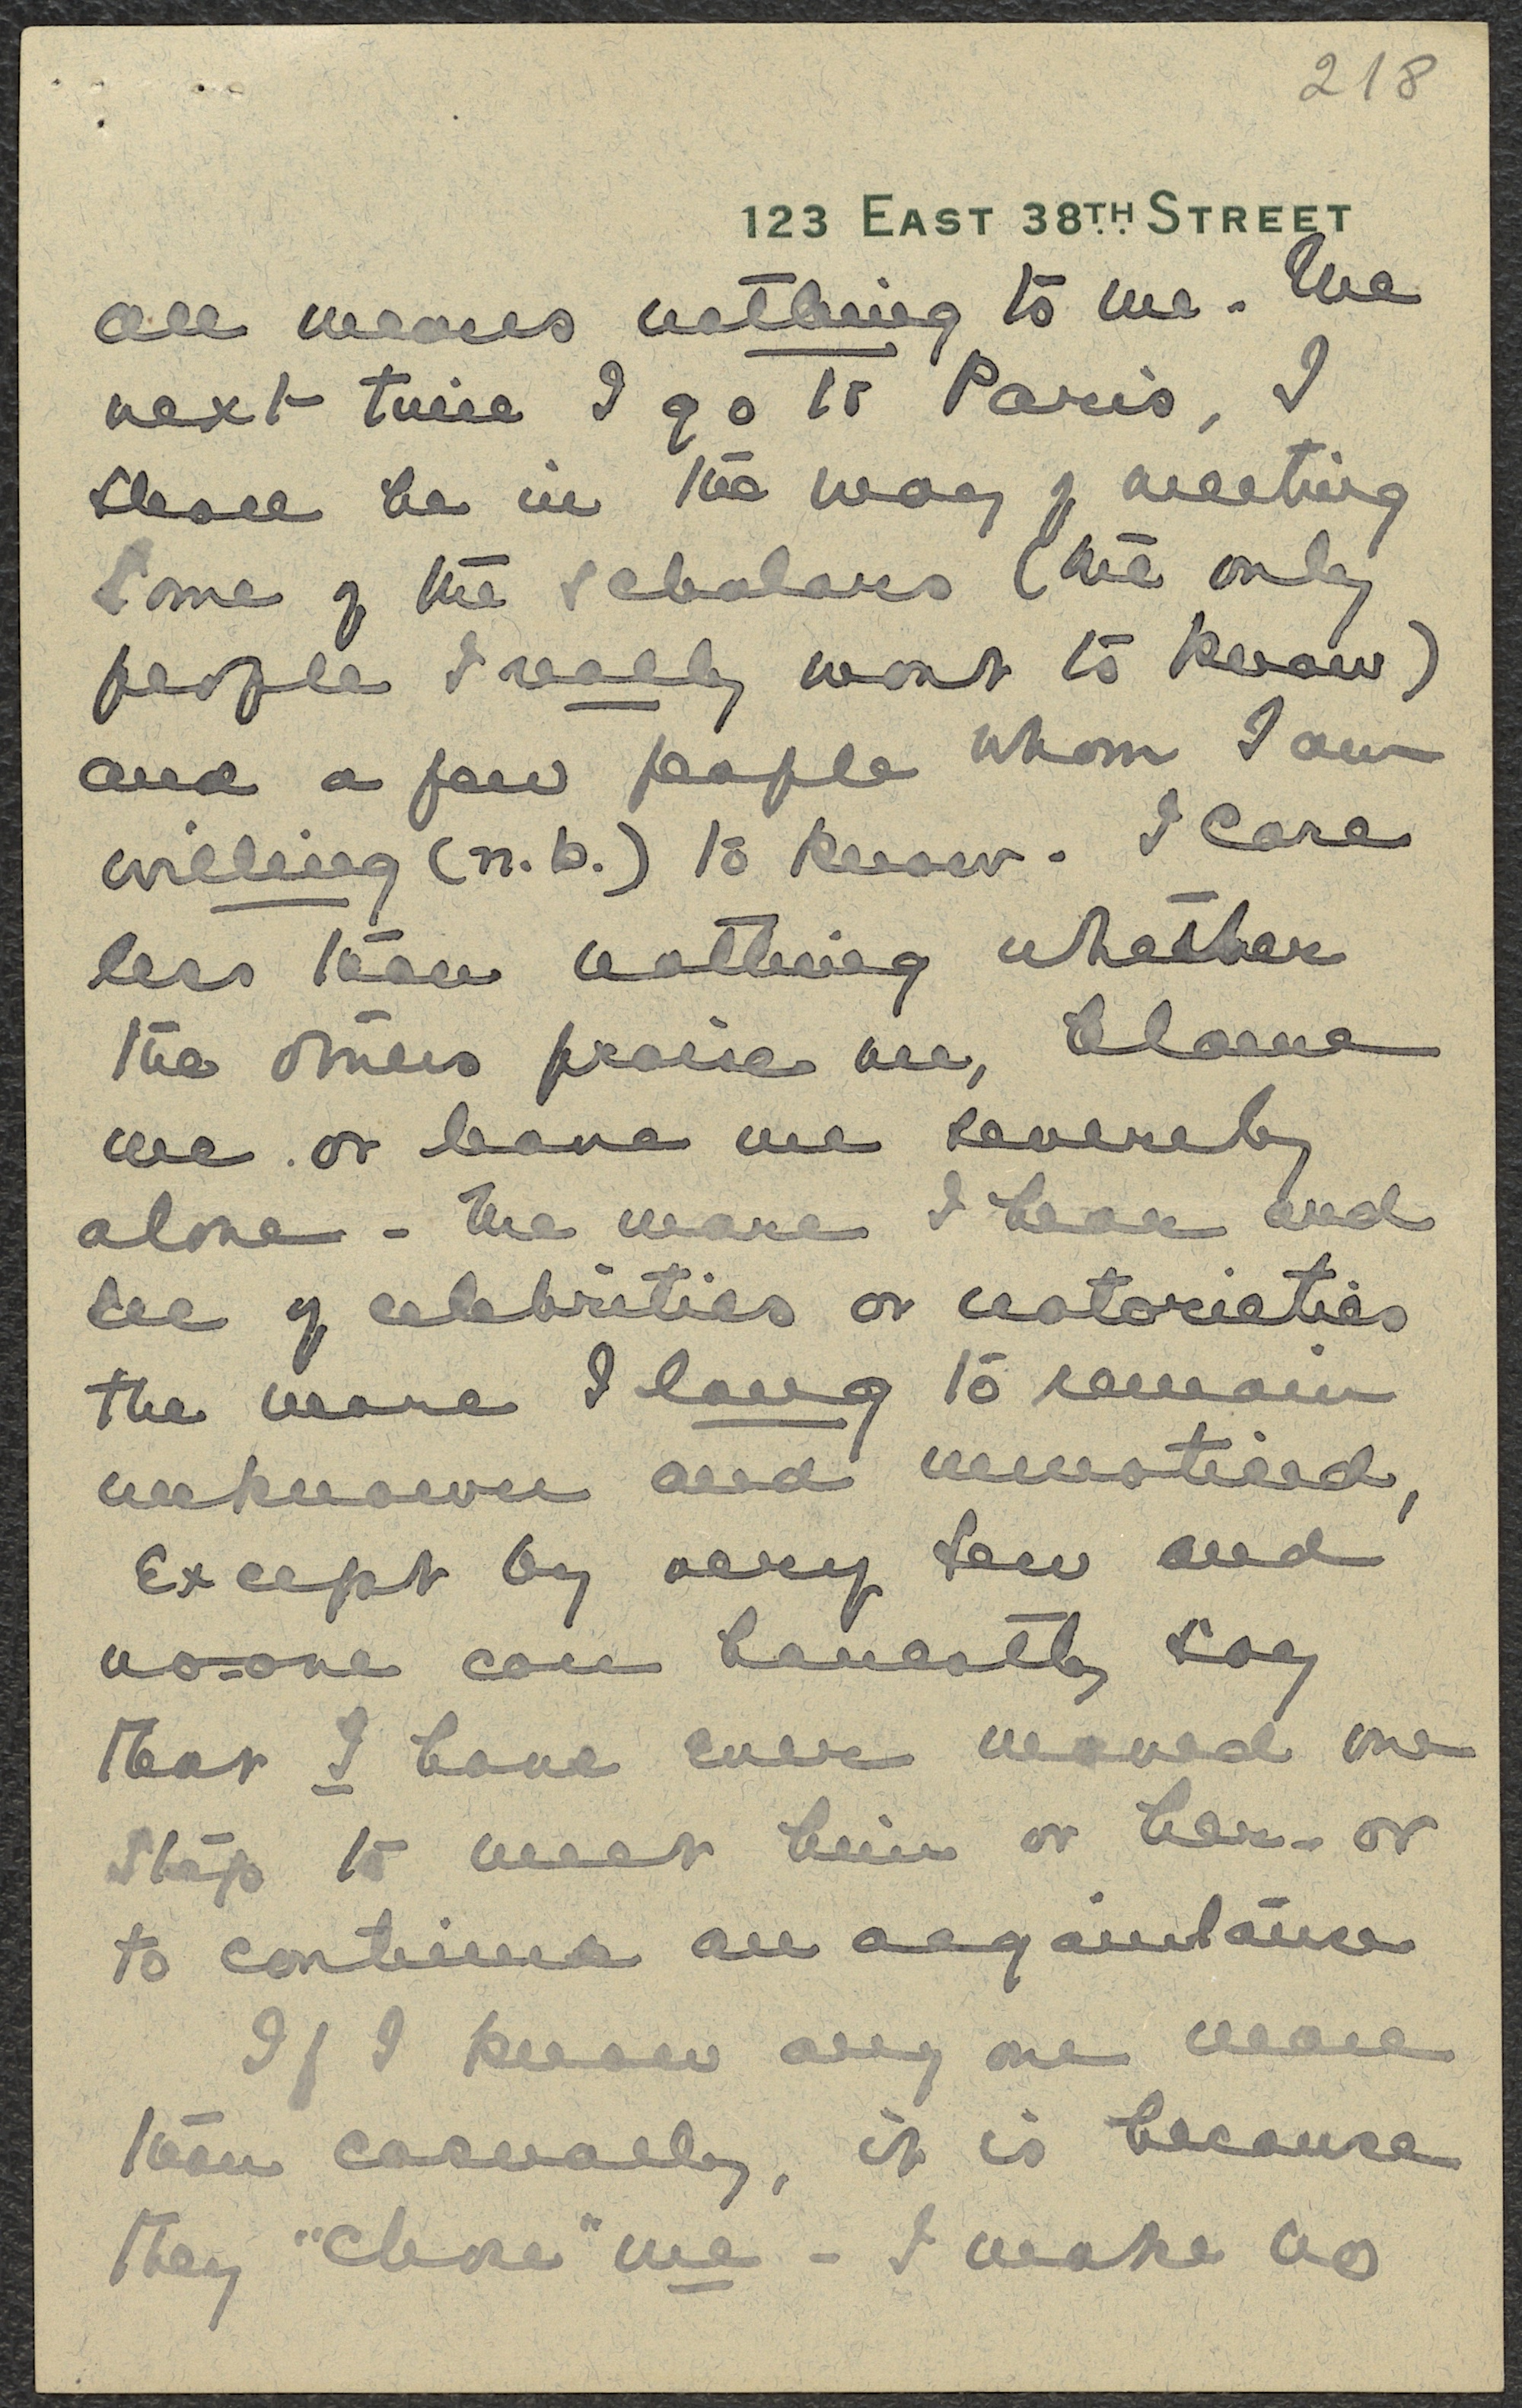all means nothing to me – The next time I go to Paris, I shall be in the way of meeting some of the scholars (the only people I really want to know) and a few people whom I am willing (n.b.) to know. I care less than nothing whether the others praise me, blame me or leave me severely alone – The more I hear and see of celebrities or notorieties the more I long to remain unknown and unnoticed, except by very few and no one can honestly say that I have ever moved one step to meet him or her – or to continue an acquaintance
If I knew any one more than casually, it is because they “chose” me – I make no